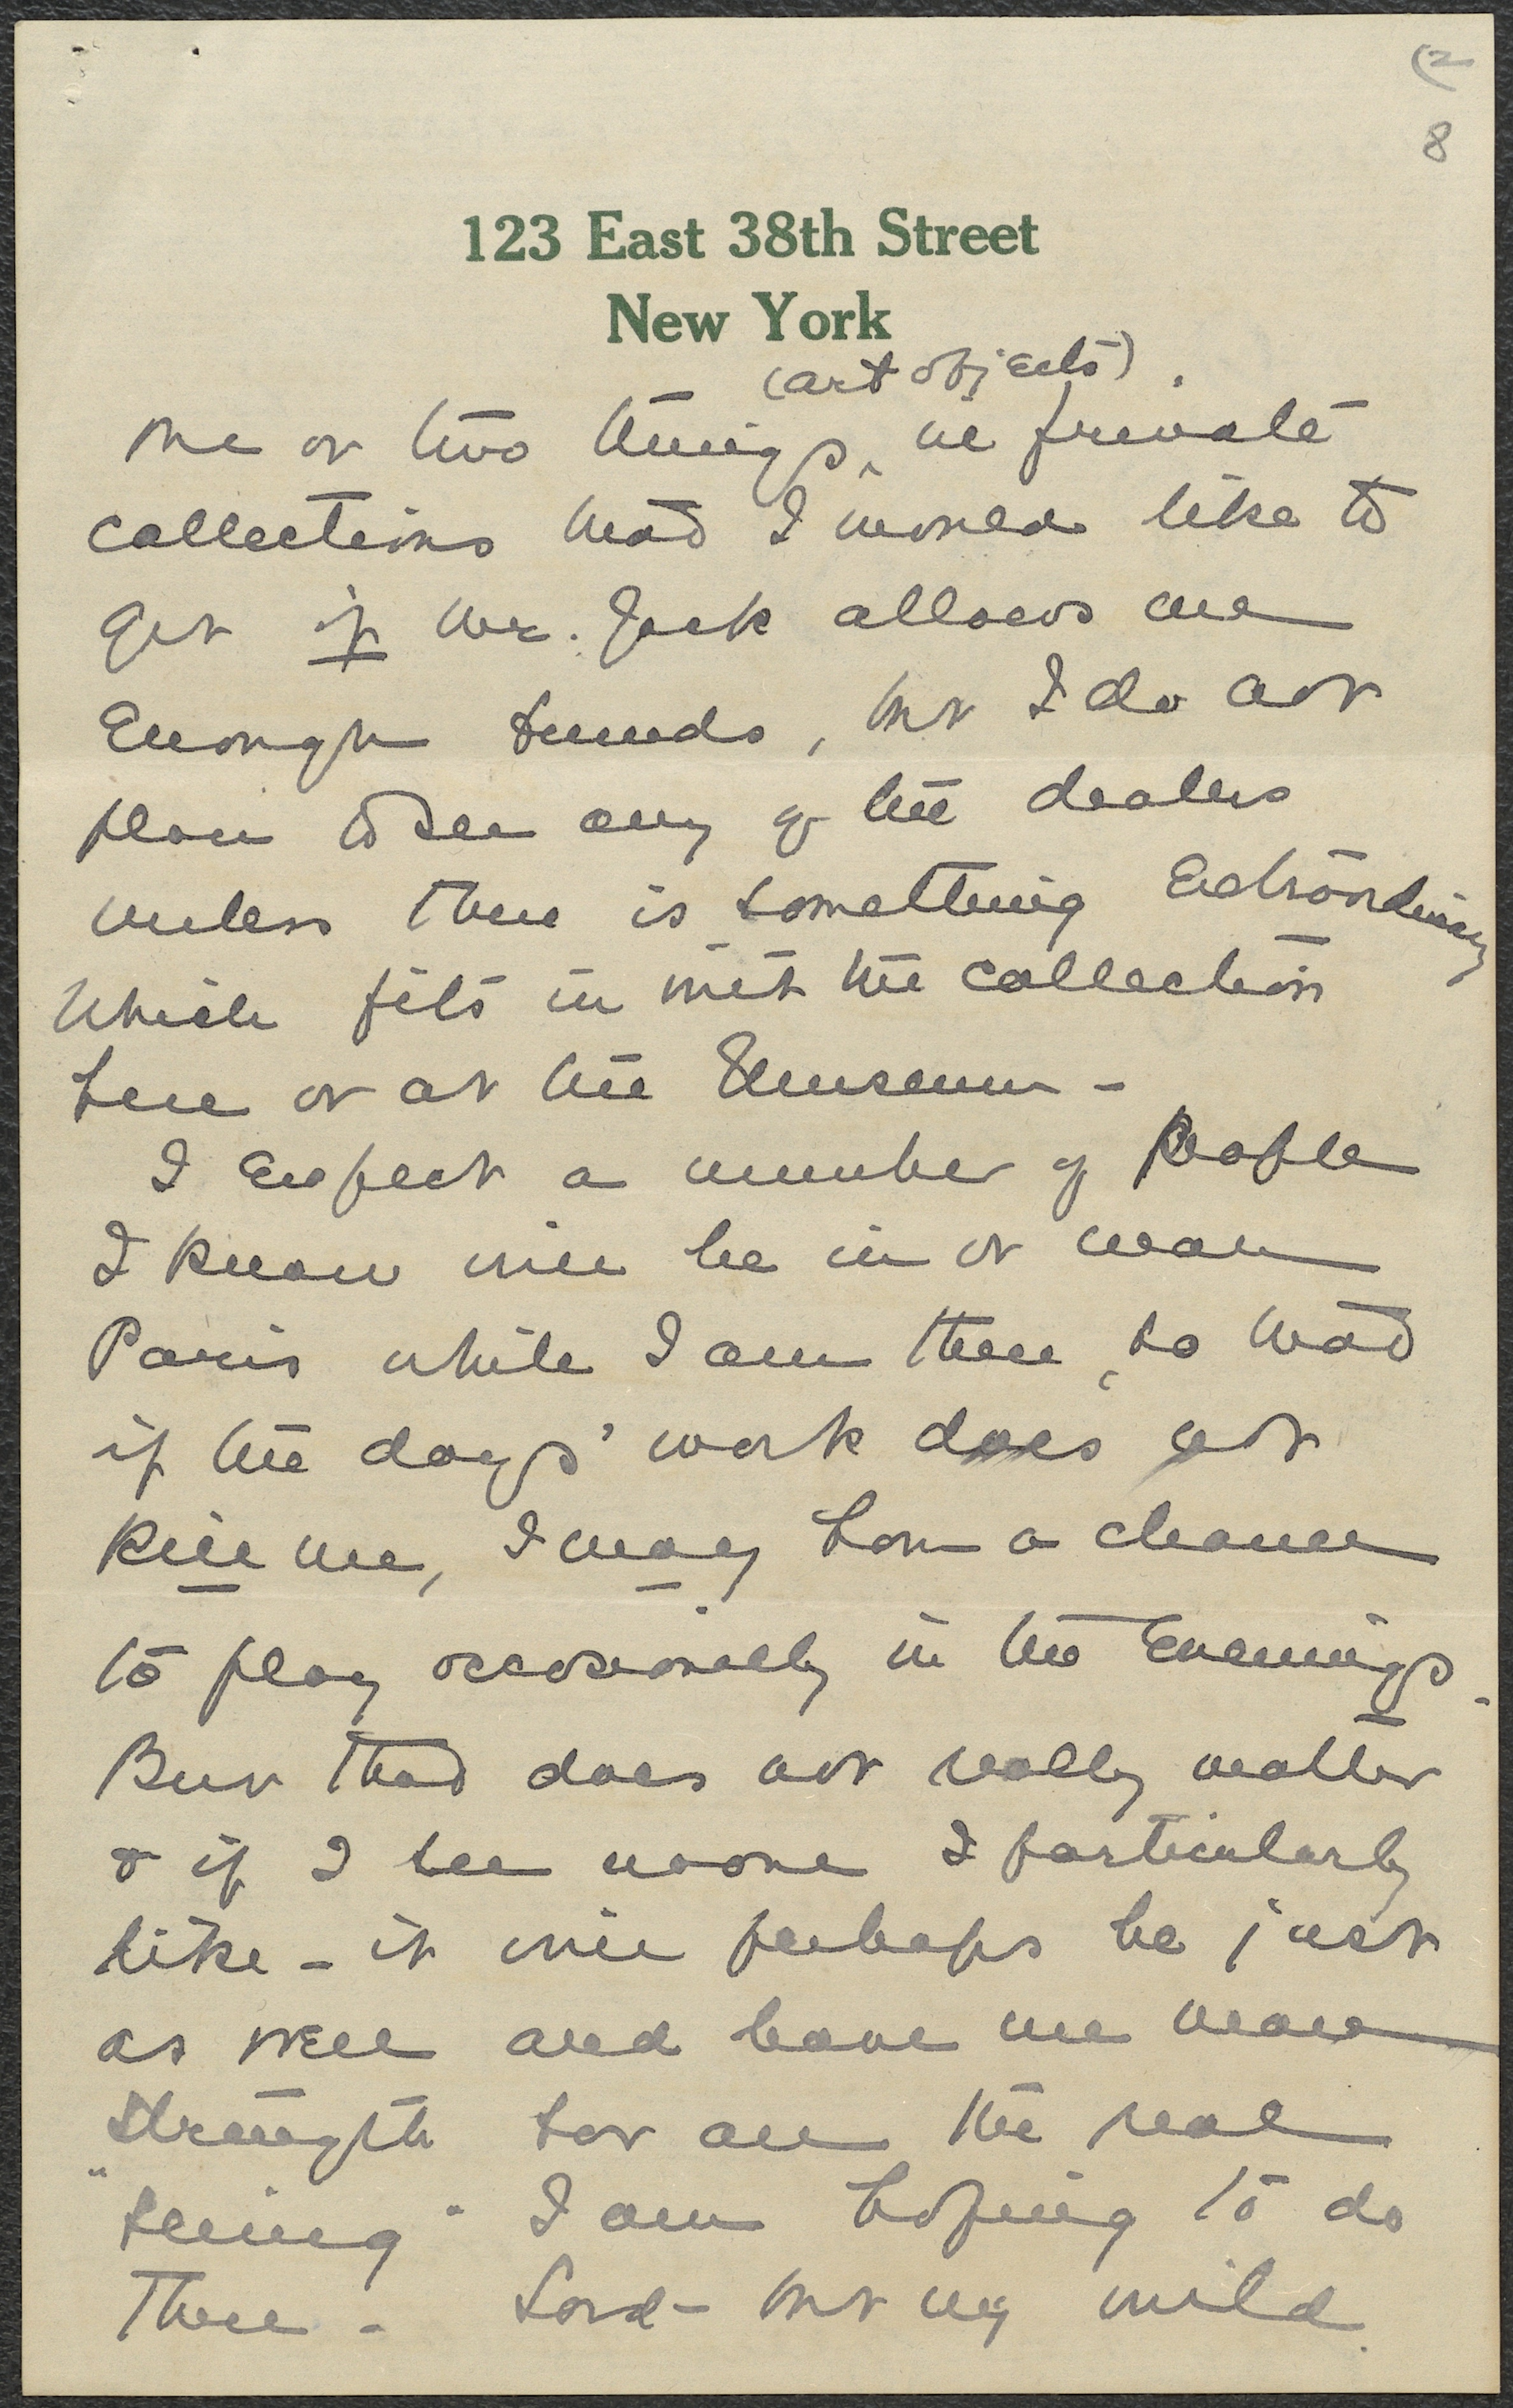one or two things [^(art objects)^] in private collections that I would like to get if Mr. Jack allows me enough funds, but I do not plan to see any of the dealers unless there is something extrordinary [sic] which fits in with the collection here or at the Museum –
I expect a number of people I know will be in or near Paris while I am there so that if the days' work does not kill me, I may have a chance to play occasionally in the evenings. But that does not really matter & if I see no one I particularly like – it will perhaps be just as well and leave me more strength for all the real "seeing" I am hoping to do there. Lord – but my mild